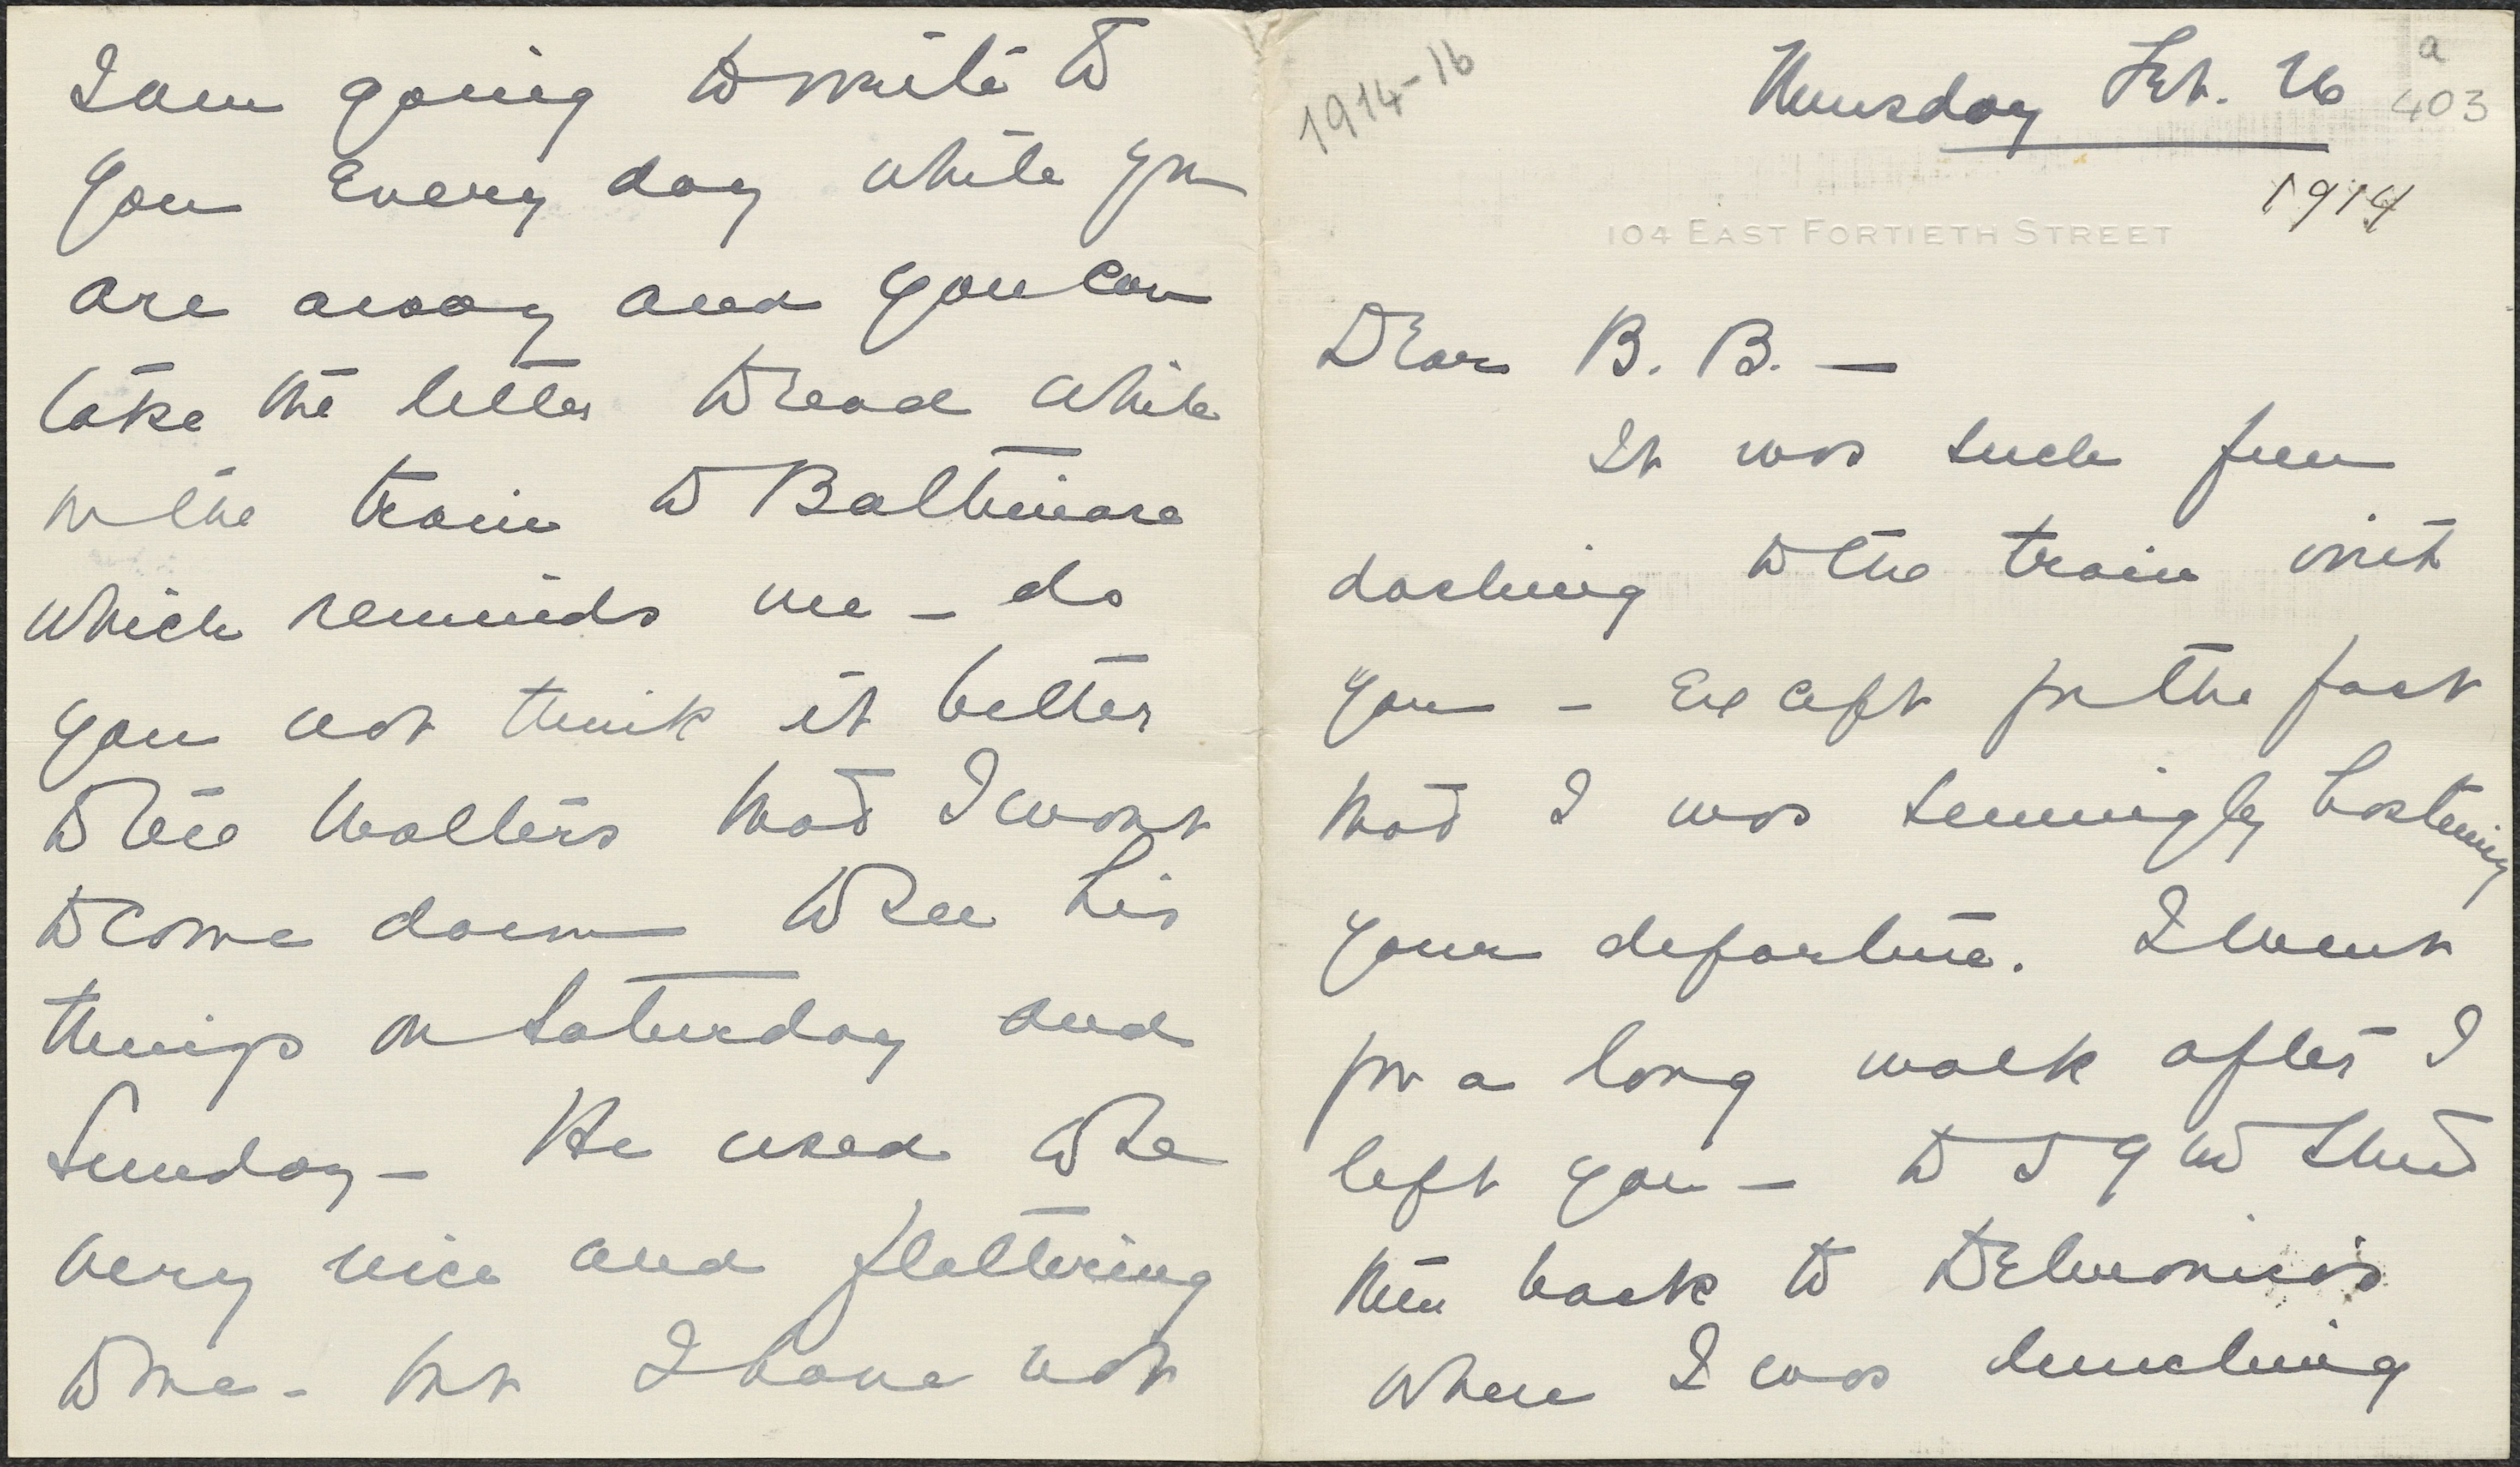Thursday Feb. 26
Dear B.B. –
It was such fun dashing to the train with you – except for the fact that I was seemingly hastening your departure. I went for a long walk after I left you – to 59th Street then back to Delmonico’s where I was lunching
I am going to write to you every day while you are away and you can take the letter to read while on the train to Baltimore which reminds me – do you not think it better to tell Walters that I want to come down to see his things on Saturday and Sunday – He used to be very nice and flattering to me – but I have not